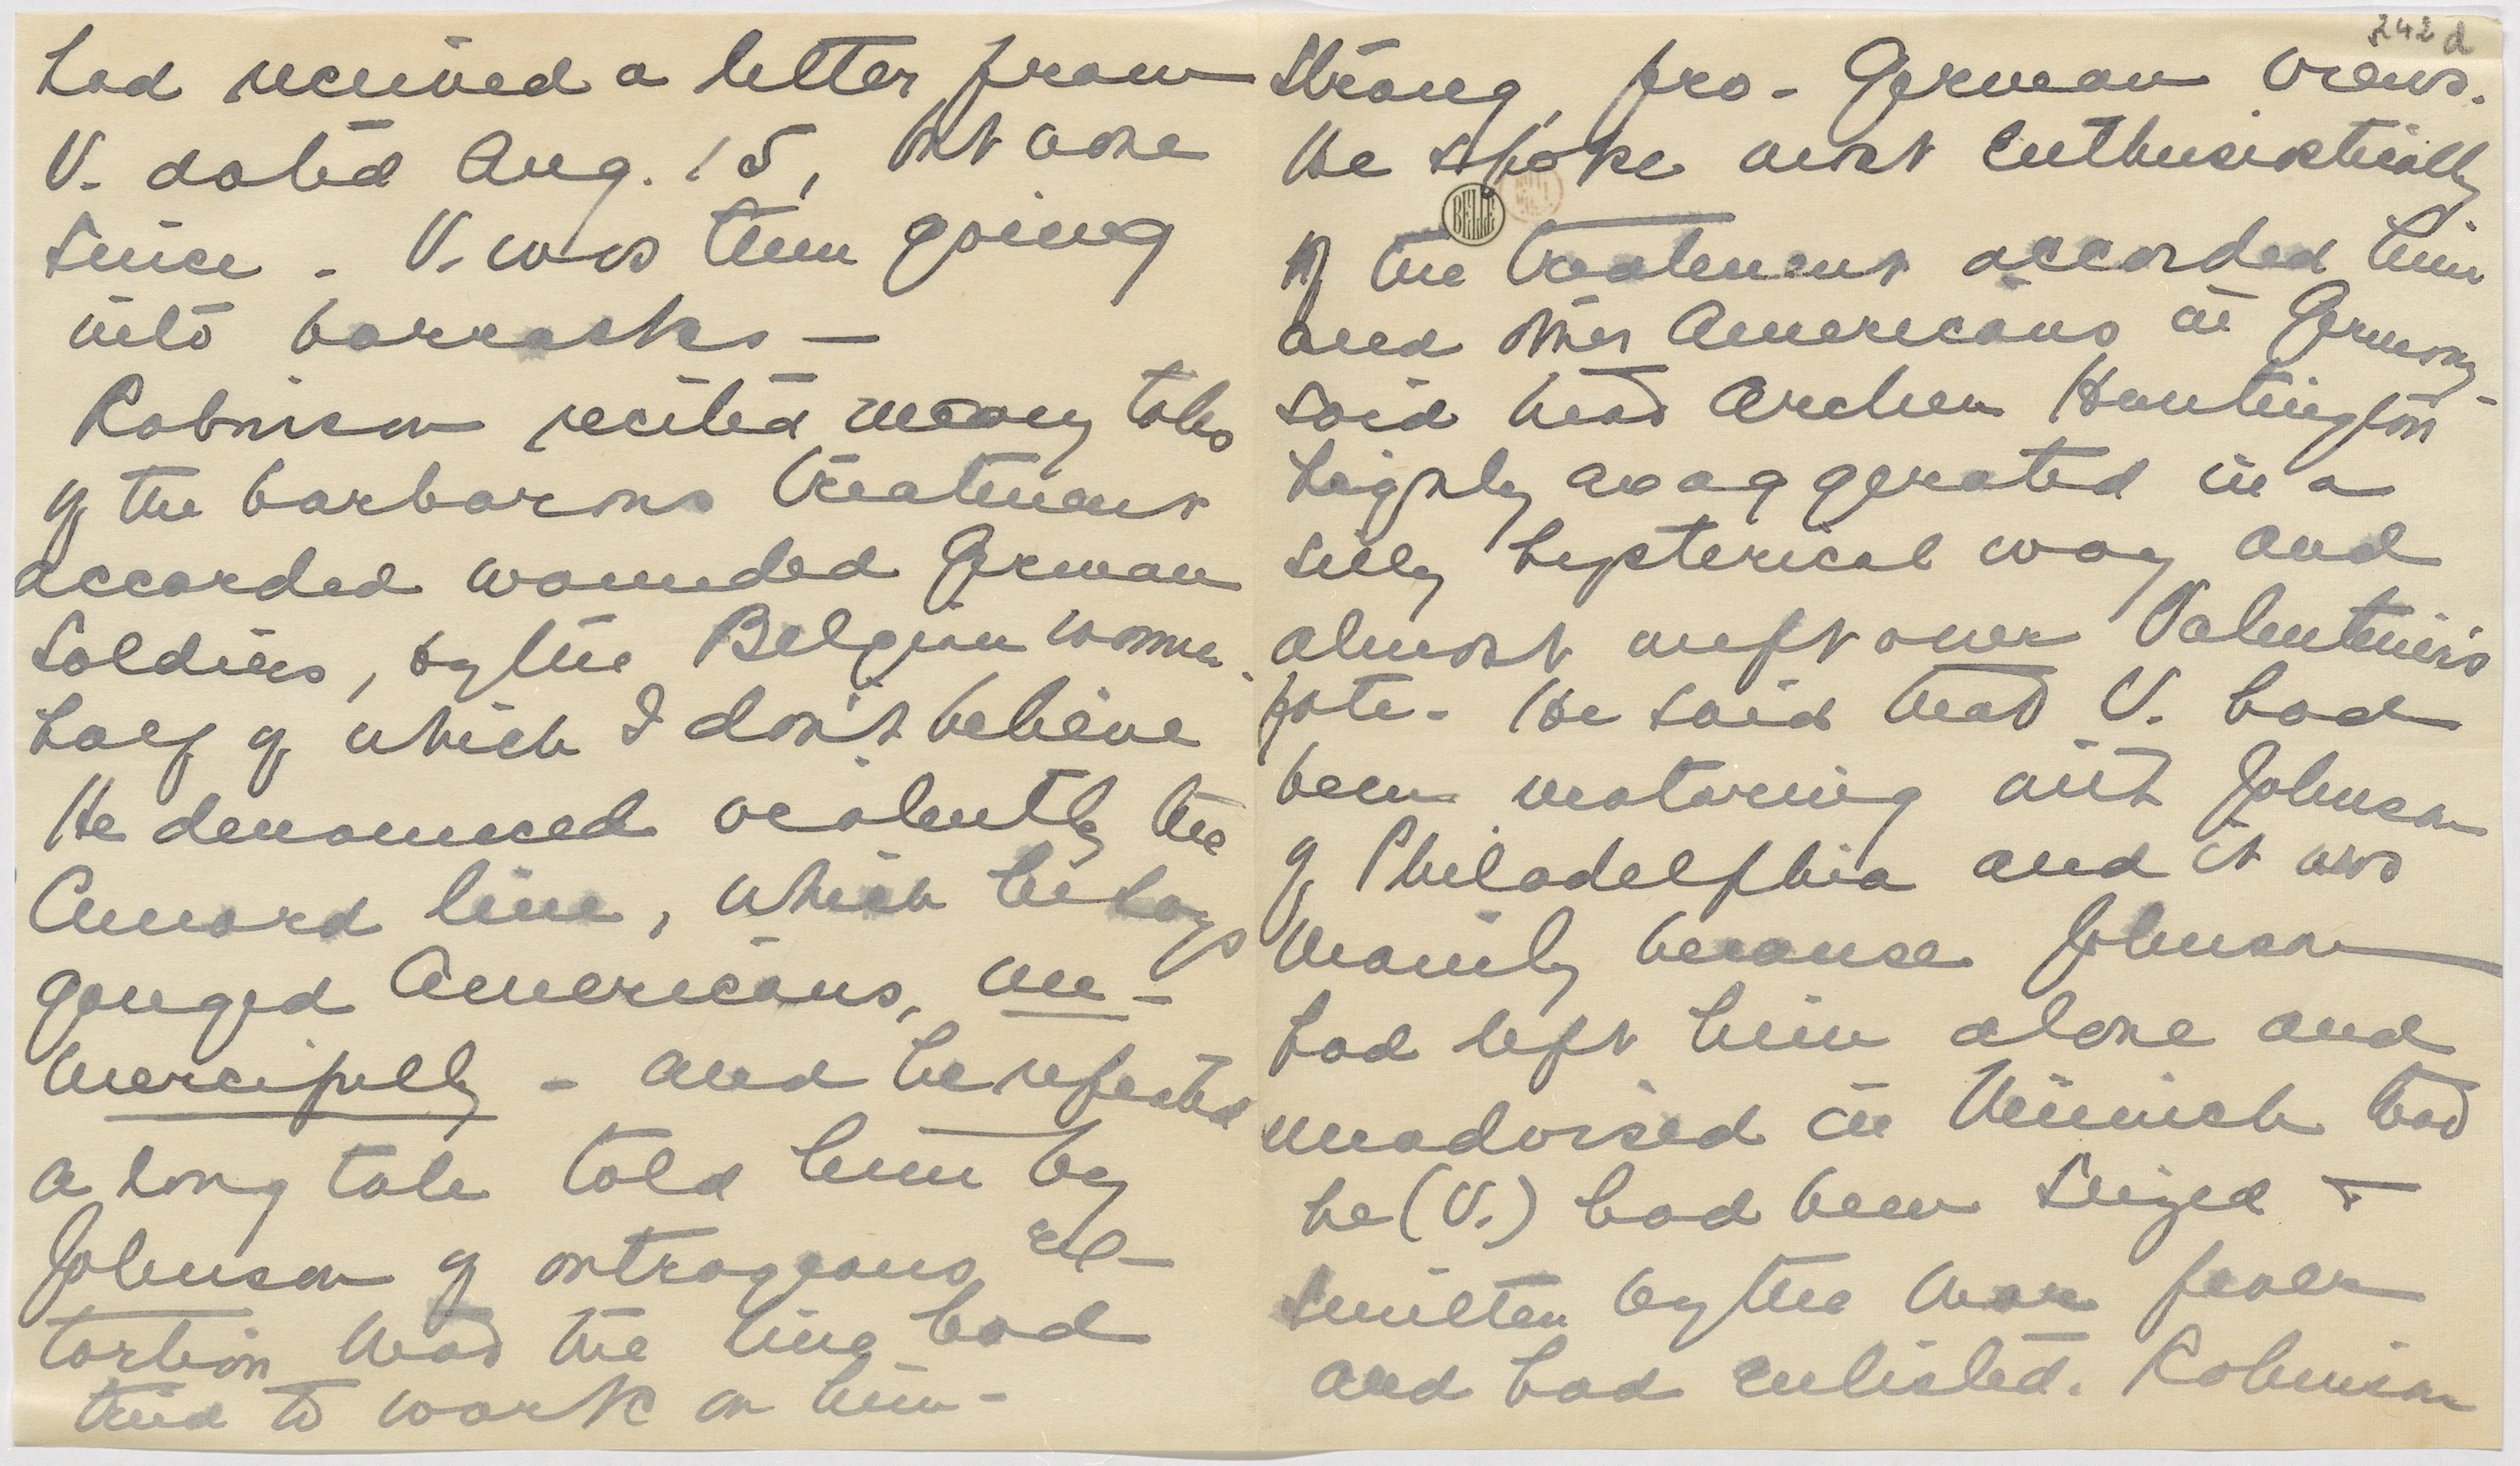strong, pro-German views. He spoke most enthusiastically of the treatment accorded him and other Americans in Germany – said that Archer Huntington highly exaggerated in a silly hysterical way and almost wept over Valentiner’s fate – He said that V. had been motoring with Johnson of Philadelphia and it was mainly because Johnson had left him alone and unadvised in Munich that he (V.) had been seized & smitten by the war fever and had enlisted. Robinson
had received a letter from V. dated Aug. 15, but none since – V. was then going into barracks –
Robinson recited many tales of the barbarous treatment accorded wounded German soldiers, by the Belgian women – half of which I don’t believe
He denounced violently the Cunard line, which he says gouged Americans, unmercifully – and he repeated a long tale told him by Johnson of outrageous extortion that the line had tried to work on him –